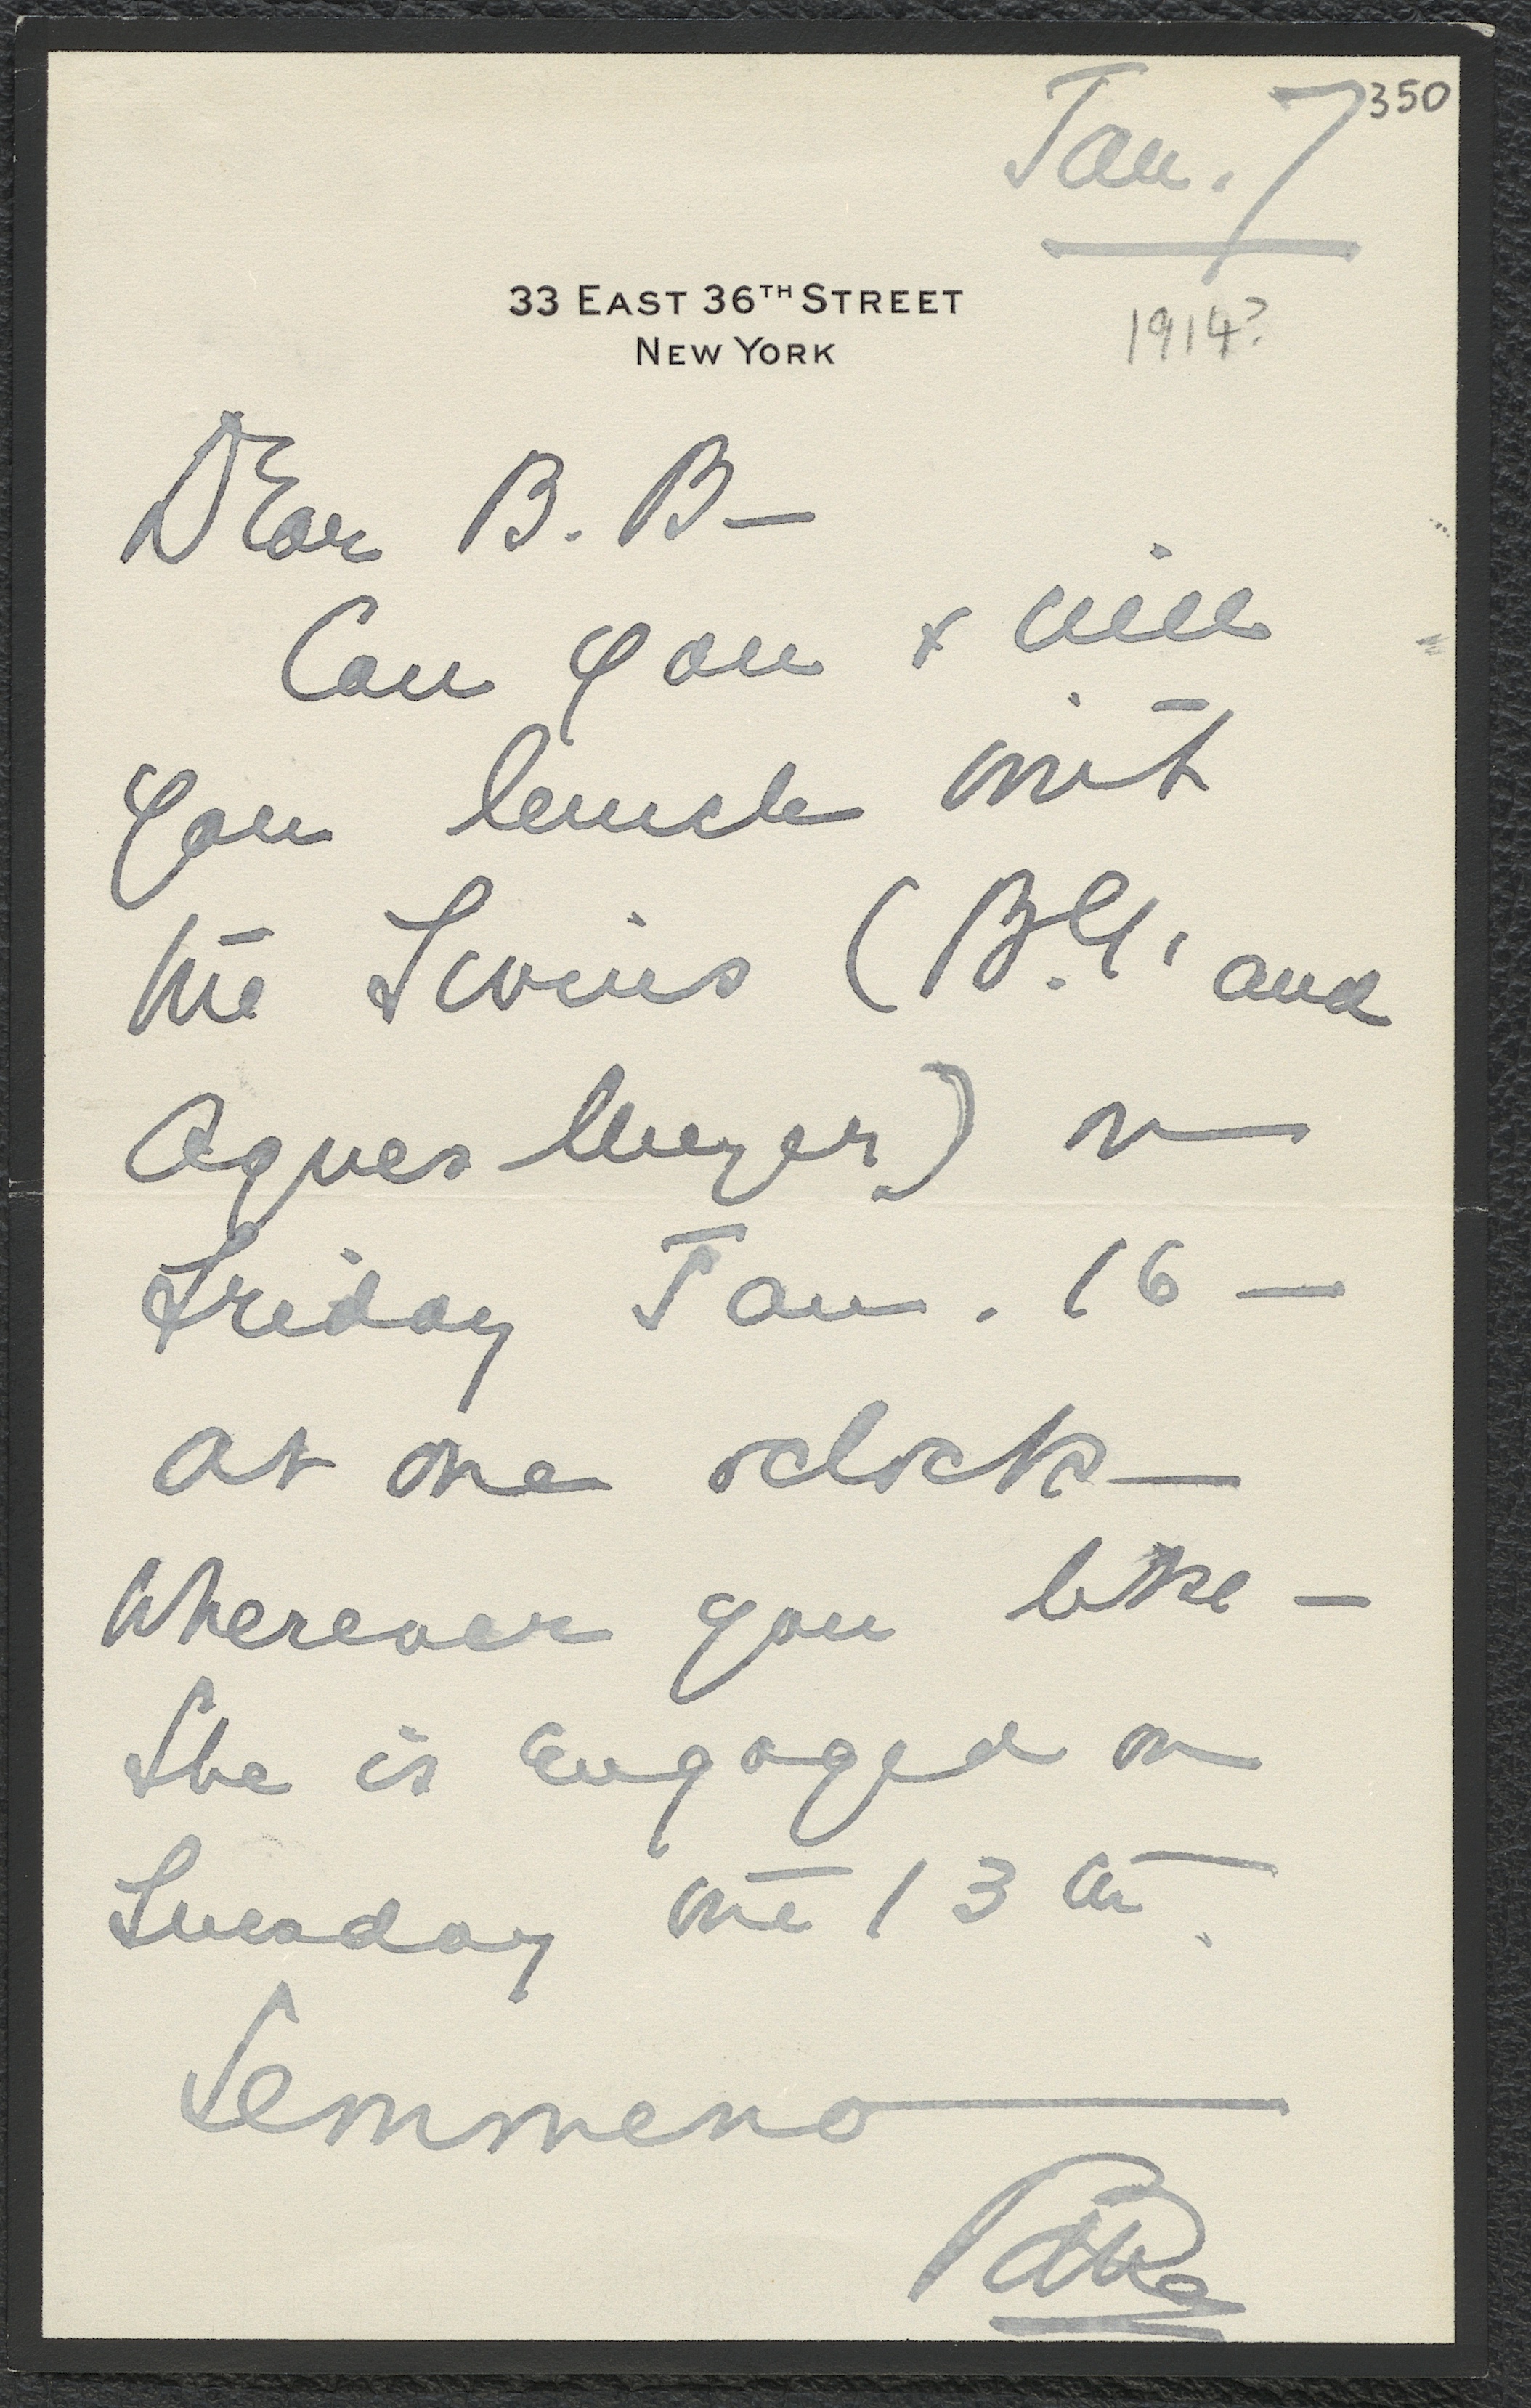Jan. 7
Dear B.B –
Can you & will you lunch with the Twins (B.G. and Agnes Meyer) on Friday Jan. 16 – at one oclock – Wherever you like – She is engaged on Tuesday the 13th.
Lemmeno
Belle